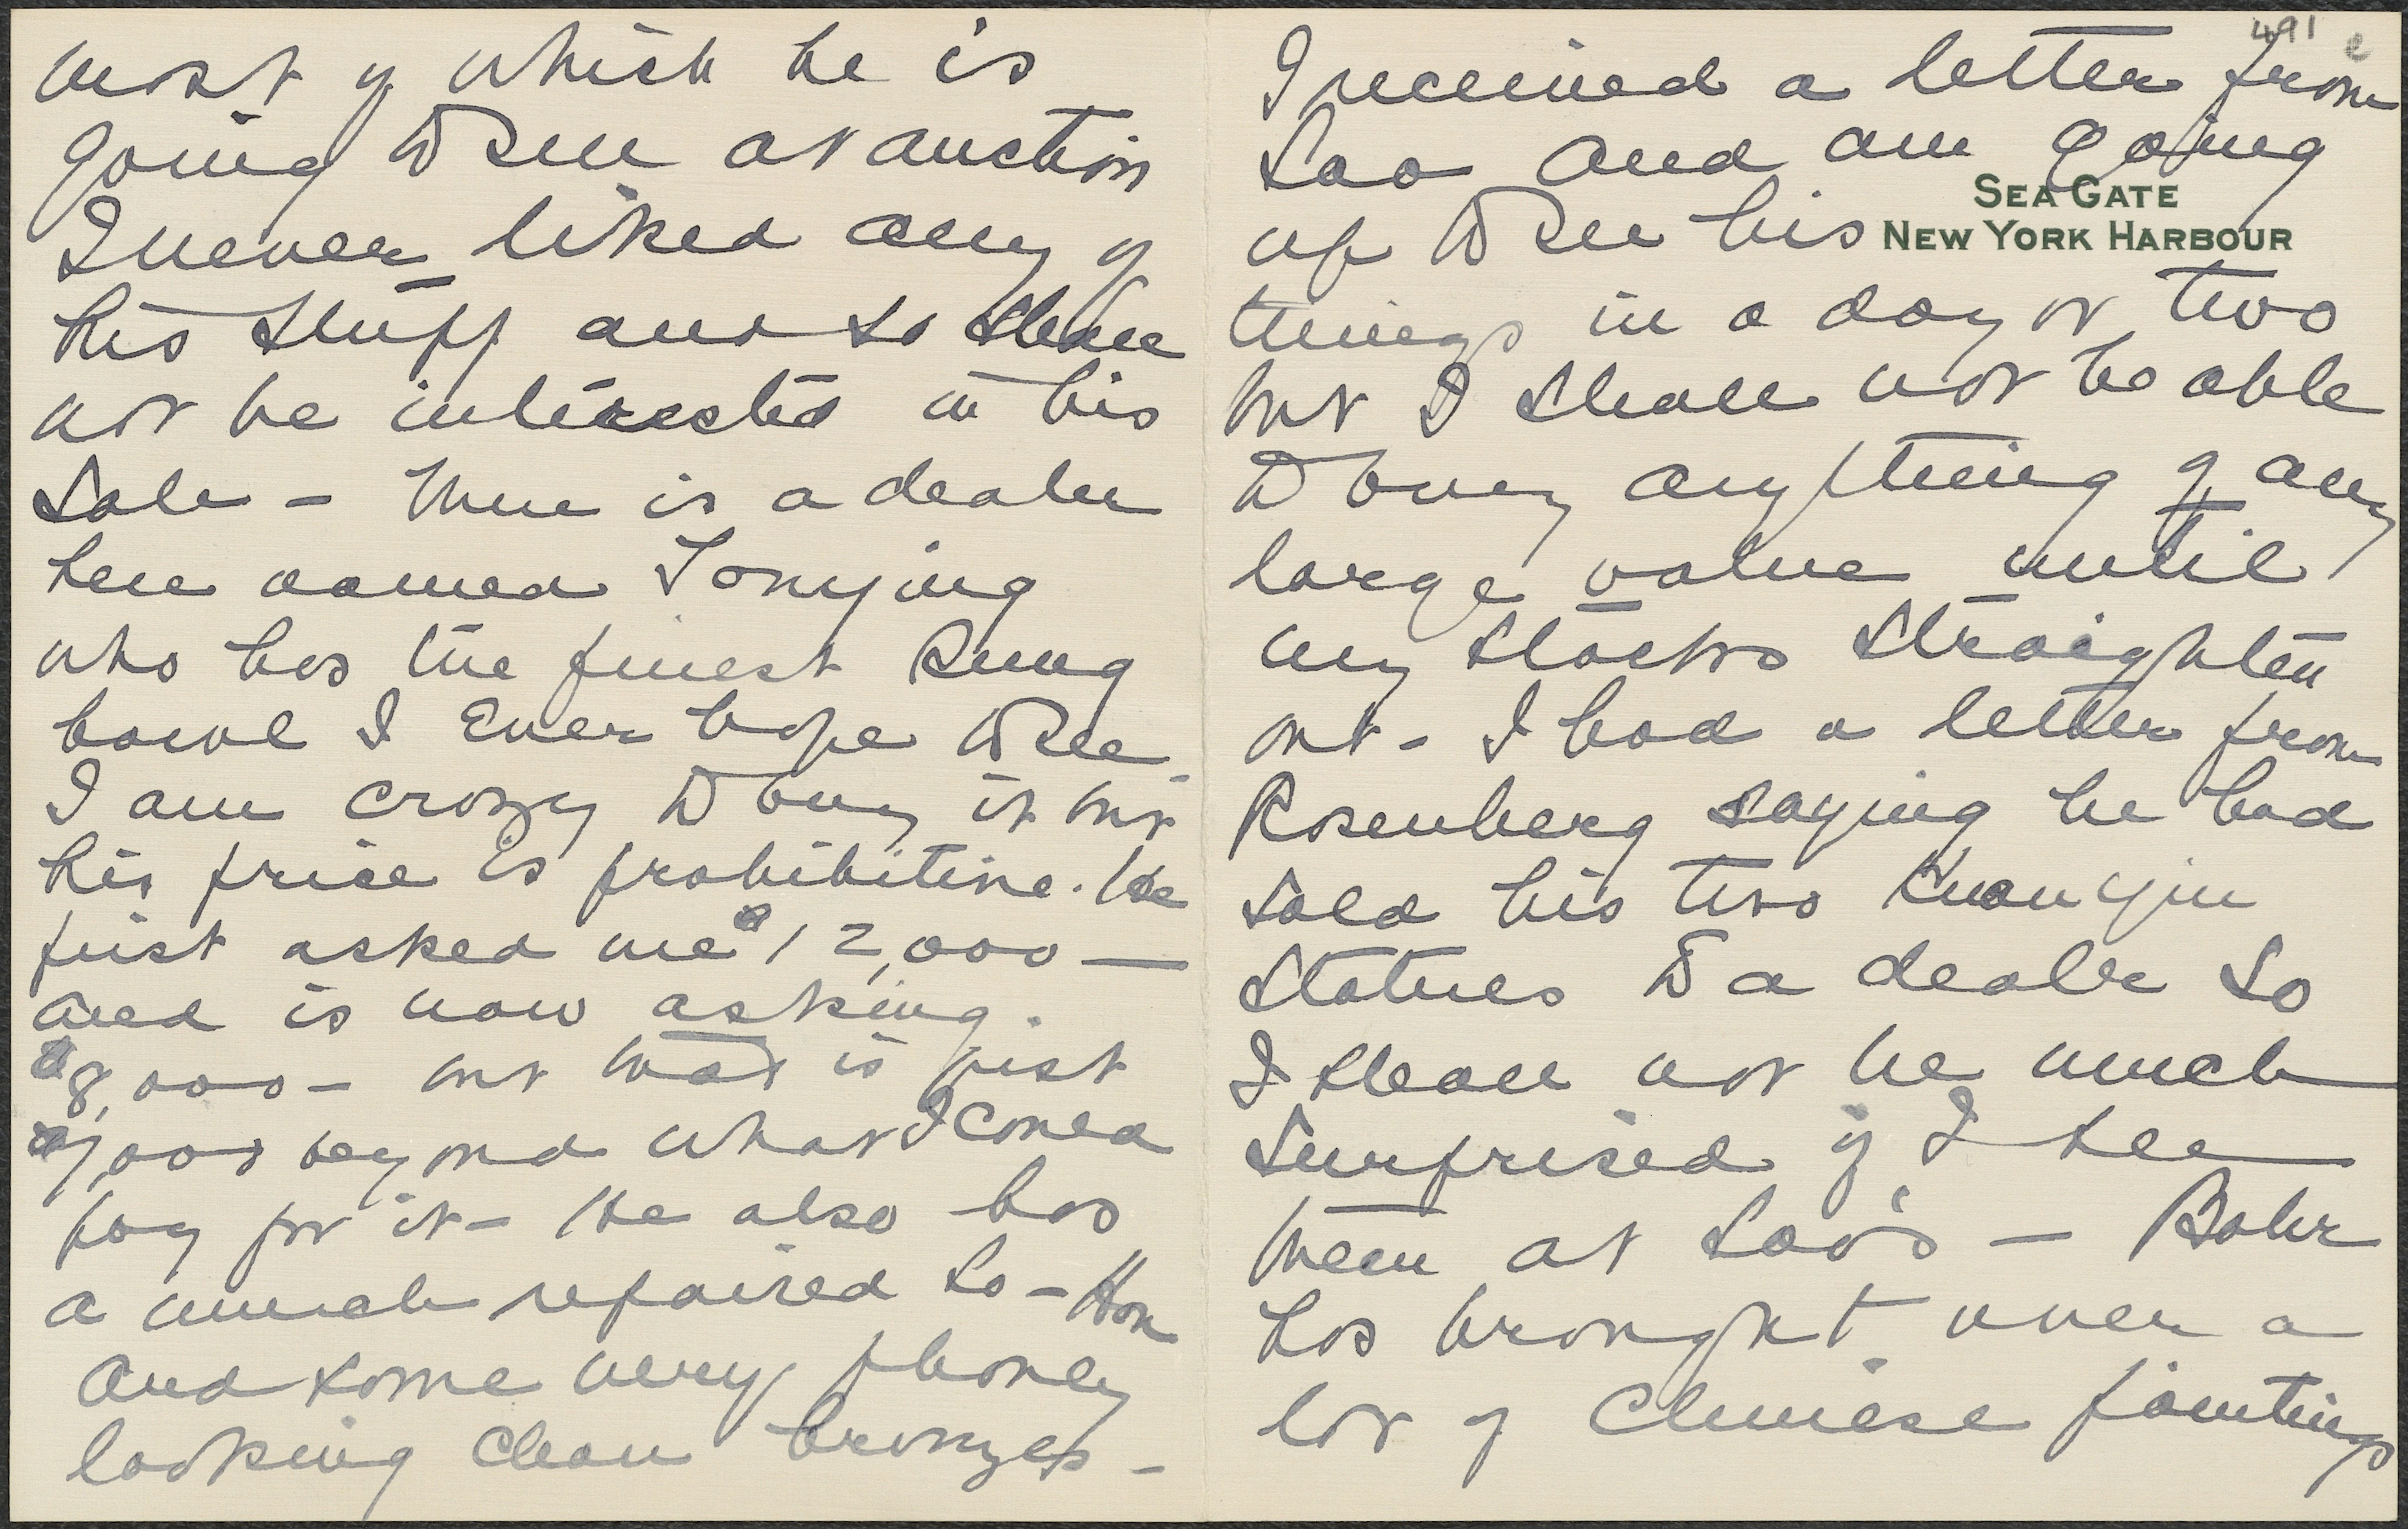I received a letter from Loo and am going up to see his things in a day or two but I shall not be able to buy anything of any large value until my stocks straighten out – I had a letter from Rosenberg saying he had sold his two Guan yin statues to a dealer so I shall not be much surprised if I see them at Loo's – Bahr has brought over a lot of Chinese paintings
most of which he is going to sell at auction I never liked any of his stuff and so shall not be interested in his sale – there is a dealer here named Tonying who has the finest Sung bowl I ever hope to see. I am crazy to buy it but his price is prohibitive. He first asked me $12,000 – and is now asking $8,000 – but that is just $7,000 beyond what I could pay for it – He also has a much repaired Lo-Han and some very phoney looking Chan bronzes –